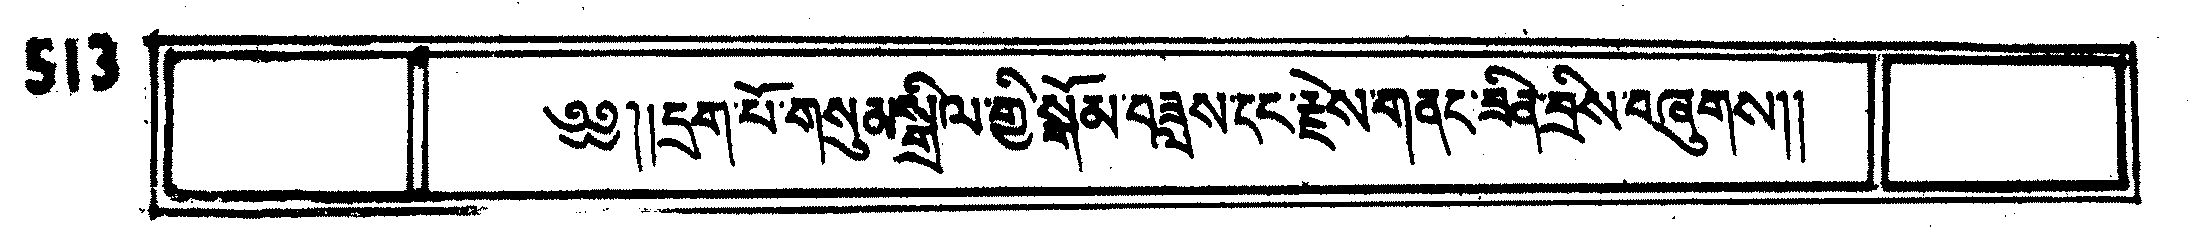༄༅། །དྲག་པོ་གསུམ་སྒྲིལ་གྱི་སྒོམ་བཟླས་དང་རྗེས་གནང་ཟིན་བྲིས་བཞུགས།།